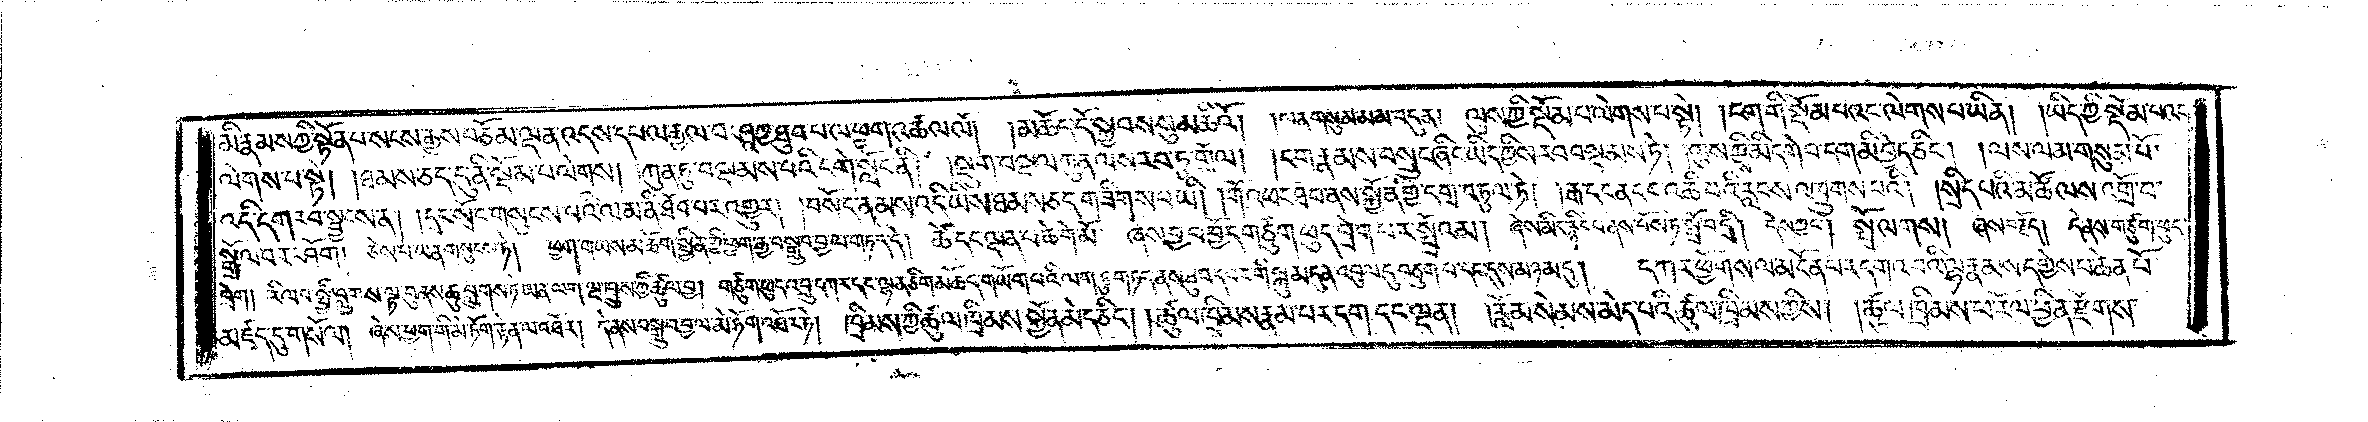མི་རྣམས་ཀྱི་སྟོན་པ་སངས་རྒྱས་བཅོམ་ལྡན་འདས་དཔལ་རྒྱལ་བ་ཤཱཀྱ་ཐུབ་པ་ལ་ཕྱག་འཚལ་ལོ། །མཆོད་དོ་སྐྱབས་སུ་མཆིའོ། །ལན་གསུམ་མམ་བདུན།  ལུས་ཀྱི་སྡོམ་པ་ལེགས་པ་སྟེ། །ངག་གི་སྡོམ་པའང་ལེགས་པ་ཡིན། །ཡིད་ཀྱི་སྡོམ་པའང་
ལེགས་པ་སྟེ། །ཐམས་ཅད་དུ་ནི་སྡོམ་པ་ལེགས། །ཀུན་ཏུ་བསྡམས་པའི་དགེ་སློང་ནི། །སྡུག་བསྔལ་ཀུན་ལས་རབ་ཏུ་གྲོལ། །ངག་རྣམས་བསྲུང་ཞིང་ཡིད་ཀྱིས་རབ་བསྔམས་ཏེ། །ལུས་ཀྱིས་མི་དགེ་བདག་མི་བྱེད་ཅིང་། །ལས་ལམ་གསུམ་པོ་
འདི་དག་རབ་སྦྱངས་ན། །དྲང་སྲོང་གསུངས་པའི་ལམ་ནི་ཐོབ་པར་འགྱུར། །བསོད་ནམས་འདི་ཡིས་ཐམས་ཅད་གཟིགས་པ་ཡི། །གོ་འཕང་ཐོབ་ནས་སྐྱོན་གྱི་དགྲ་བཏུལ་ཏེ། །རྒ་དང་ནང་འཆི་པའི་རླུངས་འཁྲུགས་པའི། །སྲིད་པའི་མཚོ་ལས་འགྲོ་བ་
སྒྲོལ་བར་ཤོག ། ཅེས་པ་ལན་གསུངས་ཏེ། ཕྱག་གཡས་མཆོག་སྤྱིན་གྱི་ཕྱག་རྒྱ་བསྒྲུབ་བྱ་ལ་གཏད་དེ།  ཚེ་དང་ལྡན་པ་ཆེ་གེ་མོ་ཞེས་བྱ་བ་ཁྱོད་གཙུག་ཕུད་བྲེག་པར་སྤྲོའམ། ཞེས་མིང་རྙིང་པ་ནས་པོས་ཏེ་སྤྲོ་བ་དྲི། དེས་ཀྱང་།  སྤྲོ་ལགས། ཞེས་བརྗོད། དེ་ནས་གཙུག་ཕུད་
བྲེག། རིལ་བ་སྤྱི་བླུགས་ལྟ་བུ་ནས་ཆུ་བླུགས་ཏེ་ཡན་ལག་ལྔ་བྲུས་ཀྱི་ཚུལ་བྱ། གཙུག་ཕུད་འབྲུ་དཀར་དང་ལྷན་ཅིག་མཆོད་གཡོག་པའི་ལག་ཏུ་གཏད་ནས་ཐུབ་དབང་གི་སྐུ་མདུན་འབུལ་དུ་བཅུག་པ་དང་དུས་མཉམ་དུ། དཀར་ཕྱོགས་ལ་མངོན་པར་དགའ་བའི་ལྷ་རྣམས་དགྱེས་བ་ཆེན་པོ་
མཛད་དུ་གསོལ། ཞེས་ཕྱག་གི་མེ་ཏོག་རྟེན་ལ་འཐོར། དེ་ནས་བསྒྲུབ་བྱ་ལ་མེ་ཏོག་འཐོར་ཏེ།  ཁྲིམས་ཀྱི་ཚུལ་ཁྲིམས་སྐྱོན་མེད་ཅིང་། །ཚུལ་ཁྲིམས་རྣམ་པར་དག་དང་ལྡན། །རློམ་སེམས་མེད་པའི་ཚུལ་ཁྲིམས་ཀྱིས། །ཚུལ་ཁྲིམས་ཕ་རོལ་ཕྱིན་རྫོགས་